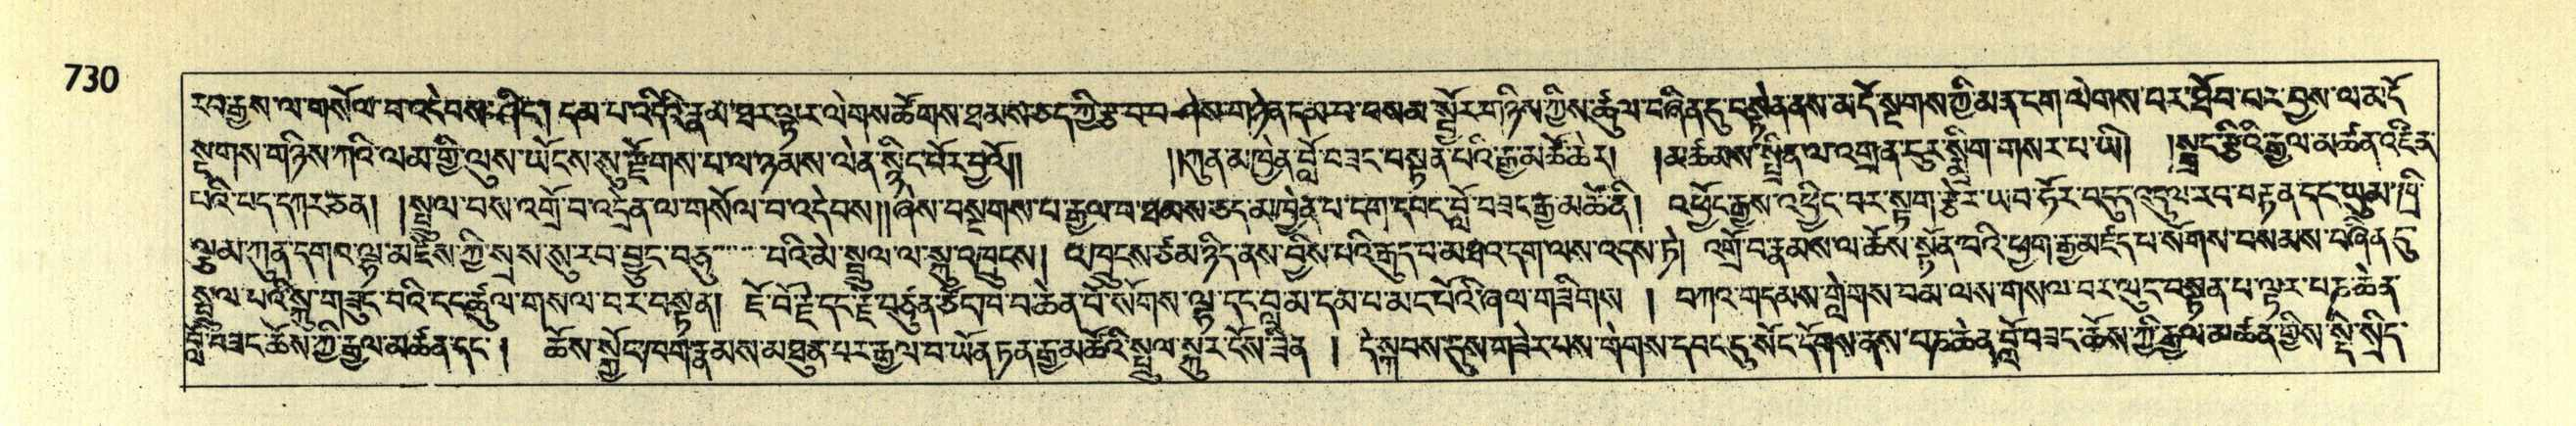རབ་རྒྱས་ལ་གསོལ་བ་འདེབས་ཤིང་། དམ་པ་འདིའི་རྣམ་ཐར་ལྟར་ལེགས་ཚོགས་ཐམས་ཅད་ཀྱི་རྩ་བ་བཤེས་གཉེན་དམ་པ་བསམ་སྦྱོར་གཉིས་ཀྱིས་ཚུལ་བཞིན་དུ་བསྟེན་ནས་མདོ་སྔགས་ཀྱི་མན་ངག་ལེགས་པར་ཐོབ་པར་བྱས་ལ་མདོ་
སྔགས་གཉིས་ཀའི་ལམ་གྱི་ལུས་ཡོངས་སུ་རྫོགས་པ་ལ་ཉམས་ལེན་སྙིང་པོར་བྱའོ།། །།ཀུན་མཁྱེན་བློ་བཟང་བསྟན་པའི་རྒྱ་མཚོ་ཆེར། །མཚམས་སྤྲིན་ལ་འགྲན་དུར་སྨྲིག་གསར་པ་ཡི། །སྒྲང་རྩིའི་རྒྱལ་མཚན་འཛིན་
པའི་པད་དཀར་ཅན། །སྤྲུལ་བས་འགྲོ་བ་འདྲེན་ལ་གསོལ་བ་འདེབས། །ཞེས་བསྔགས་པ་རྒྱལ་བ་ཐམས་ཅད་མཁྱེན་པ་ངག་དབང་བློ་བཟང་རྒྱ་མཚོ་ནི། འཕྱོང་རྒྱས་འཕྱིང་བར་སྟག་རྩེར་ཡབ་ཧོར་བདུད་འདུལ་རབ་བརྟན་དང་ཡུམ་ཁྲི་
ལྕམ་ཀུན་དགའ་ལྷ་མཛེས་ཀྱི་སྲས་སུ་རབ་བྱུང་བཅུ་པའི་མེ་སྦྲུལ་ལ་སྐུ་འཁྲུངས། འཁྲུངས་ཙམ་ཉིད་ནས་བྱིས་པའི་རྒུད་པ་མཐའ་དག་ལས་འདས་ཏེ། འགྲོ་བ་རྣམས་ལ་ཆོས་སྟོན་བའི་ཕྱག་རྒྱ་མཛད་པ་སོགས་བསམས་བཞིན་དུ་
སྤྲུལ་པའི་སྐུ་གཟུང་བའི་དང་ཚུལ་གསལ་བར་བསྟན། ཇོ་བོ་རྗེ་དང་རྗེ་བཙུན་ཙོང་ཁ་པ་ཆེན་པོ་སོགས་ལྷ་དང་བླ་མ་དམ་པ་མང་པོའི་ཞལ་གཟིགས། བཀའ་གདམས་གླེགས་བམ་ལས་གསལ་བར་ལུང་བསྟན་པ་ལྟར་པཎ་ཆེན་
བློ་བཟང་ཆོས་ཀྱི་རྒྱལ་མཚན་དང་། ཆོས་སྐྱོང་ཁག་རྣམས་མཐུན་པར་རྒྱལ་བ་ཡོན་ཏན་རྒྱ་མཚོའི་སྤྲུལ་སྐུར་ངོས་ཟིན། དེ་སྐབས་དུས་གཟེར་པས་གེགས་དབང་དུ་སོང་དོགས་ནས་པཎ་ཆེན་བློ་བཟང་ཆོས་ཀྱི་རྒྱལ་མཚན་གྱིས་སྡེ་སྲིད་